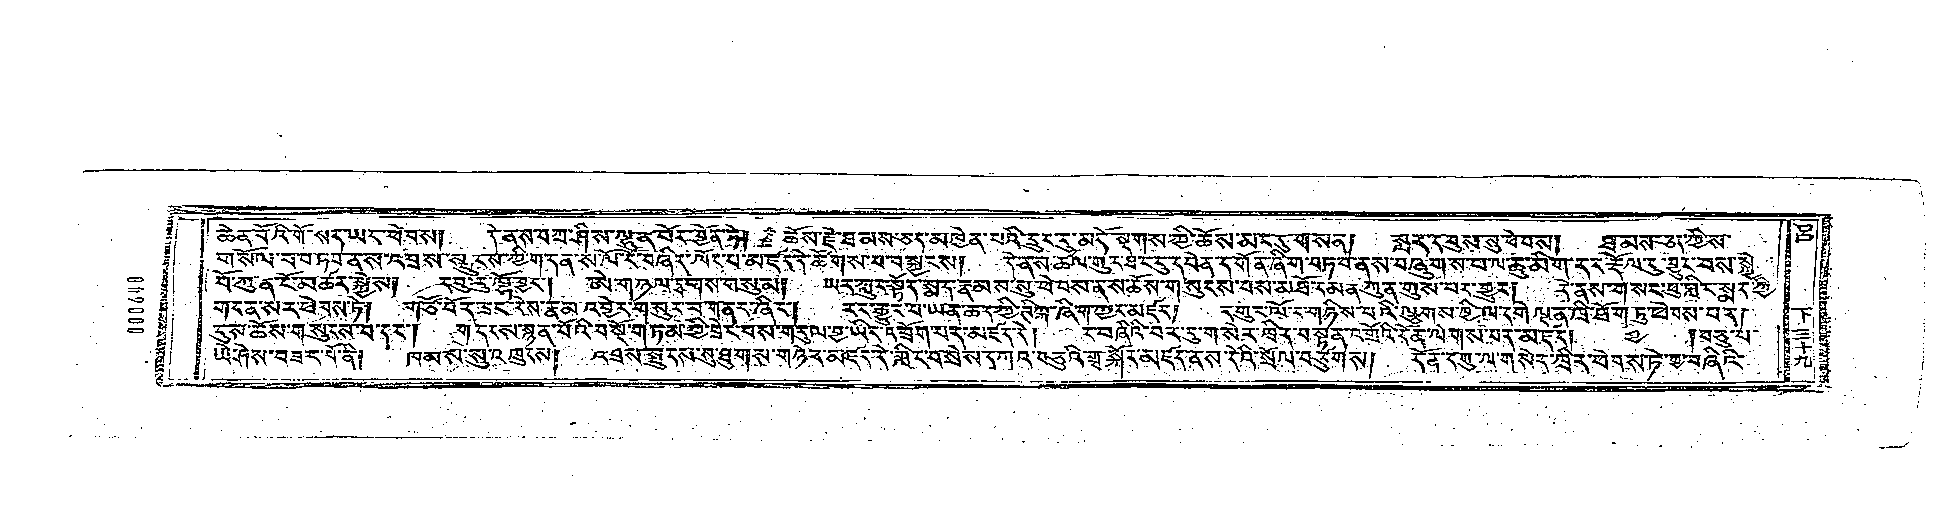ཆེན་བོའི་གོ་སར་ཡང་ཕེབས། དེ་ནས་བཀྲ་ཤིས་ལྷུན་པོར་བྱོན་ཏེ། ཆོས་རྗེ་ཐམས་ཅད་མཁྱེན་པའི་དྲུང་དུ་མདོ་སྔགས་ཀྱི་ཆོས་མང་དུ་གསན། སླར་དབུས་སུ་ཕེབས། ཐམས་ཅད་ཀྱིས་
གསོལ་བ་བཏབ་ནས་འབྲས་སྤུངས་ཀྱི་གདན་ས་ལོ་ངོ་བཞིར་ལོང་པ་མཛད་དེ་ཚོགས་པ་བསྐྱངས། དེ་ནས་ཚལ་གུང་ཐབ་དུ་དབེན་དགོན་ཞིག་བཏབ་ནས་བཞུགས་པ་ལ་ཆུ་མིག་རང་རྡོལ་དུ་བྱུང་བས་སྐྱེ་
བོ་ཀུན་ངོ་མཚར་སྐྱེས། དབུ་རུ་ལྷོ་བྱང་། ཨེ་གཉལ་དྭགས་གསུམ། ཡར་ཀླུང་སྟོད་སྨད་རྣམས་སུ་ཕེབས་ནས་ཆོས་གསུངས་པས་མཐོ་དམན་ཀུན་གུས་པར་གྱུར། དེ་ནས་གསང་ཕུ་གླིང་སྨད་ཀྱི་
གདན་སར་ཕེབས་ཏེ། གཙོ་བོར་དྲང་ངེས་རྣམ་འབྱེད་གསུང་བ་གནང་ཞིང་། རང་རྒྱུད་པ་ཡན་ཆད་ཀྱི་ཊིཀྐ་ཞིག་ཀྱང་མཛད། དགུང་ལོ་ང་གཉིས་པའི་ལྕགས་ཁྱི་ལ་དགེ་ལྡན་ཁྲི་ཐོག་ཏུ་ཕེབས་པར།
དུས་ཆོས་གསུངས་པ་དང་། གདངས་སྙན་པོའི་བསྔོ་གཏམ་གྱི་ཕྲེང་བས་གདུལ་བྱ་ཡིད་འཕྲོག་པར་མཛད་དེ། ང་བཞིའི་བར་དུ་གསེར་ཁྲིར་བསྟན་འགྲོའི་དོན་ལེགས་པར་མཛད། ༧་།བཅུ་པ་
ཡེ་ཤེས་བཟང་པོ་ནི། ཁམས་སུ་འཁྲུངས། འབྲས་སྤུངས་སུ་ཐུགས་གཉེར་མཛད་དེ་གླིང་བསྲེས་དཀའ་བཅུའི་གྲྭ་སྐོར་མཛད་ནས་དེའི་སྲོལ་བཙུགས། དོན་དགུ་ལ་གསེར་ཁྲིར་ཕེབས་ཏེ་གྱ་བཞིའི་